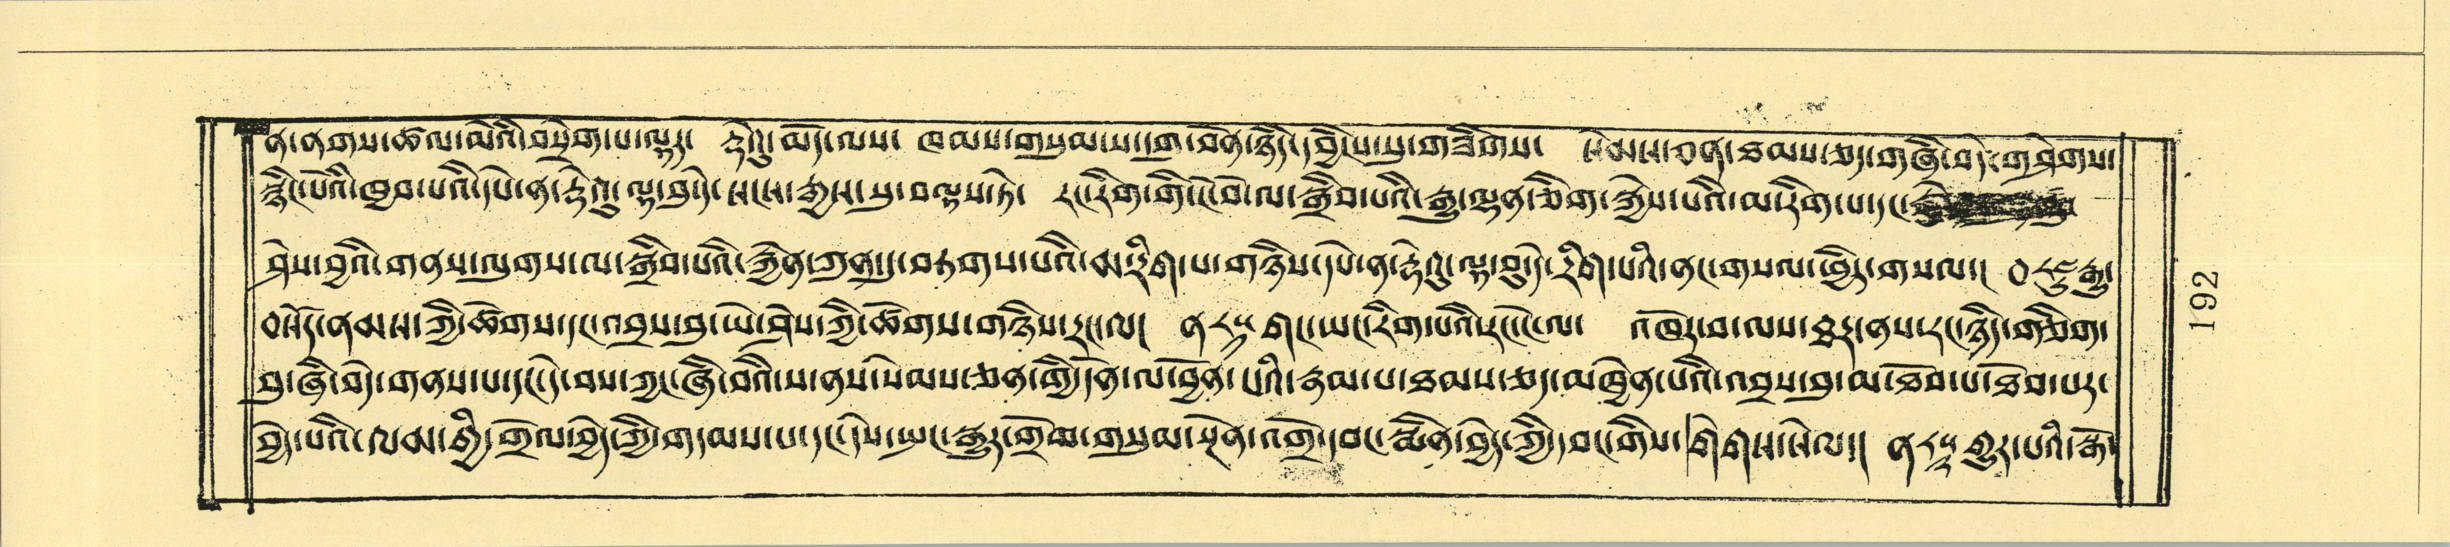ན་ནགས་ཚལ་མེ་ཡིས་བསྲེགས་པ་ལྟར་༼རྡེའུ༽མདོ་ལས། ཁམས་གསུམ་ས་དགུ་བོན་ཉིད་དབྱིངས་སུ་གཟིགས།༼སེམས་ཅན༽ཐམས་ཅད་གཞི་བདེར་གཤེགས་
སྙིང་པོའི་ཁྱབ་པའི་དཔེ་ན་རྡེའུ་ལྟ་བུ་དེ་༼སངས་རྒྱས༽སུ་བལྟས་ཏེ་རང་རིག་གི་ངོ་བོ་སྒྲིབ་པའི་ལྷན་ཅིག་སྐྱེས་པའི་མ་རིག་པ་དང་
ཤེས་བྱའི་གནས་ལུགས་ལ་སྒྲིབ་པའི་རྐྱེན་ཀུན་ཏུ་བརྟགས་པའི་༼མ་རིག་པ༽གཉིས་དཔེ་ན་རྡེའུ་ལྟ་བུ་དེ་༼རིག་པའི༽ནང་གསལ་ཕྱིར་གསལ་བ༨༤།༦རྒྱུ་
༼བསོད་ནམས༽ཀྱི་ཚོགས་དང་འབྲས་བུ་ཡེ་ཤེས་ཀྱི་ཚོགས་གཉིས་༼རང་ལ༽ན༨༥།༡༼གང་ཡང༽རིག་པའི་རང་ངོ་ལ་འཁོར་བ་ལས་༼ཐར༽ནས་རང་ཉིད་གཅིག་
པུ་ཞི་བདེ་གནས་པ་དང་དེ་བས་ཀྱང་ཞི་བའི་ས་ནས་སེམས་ཅན་གྱི་དོན་ལ་བྱོན་༼པའི༽རྣམ་པ་ཐམས་ཅད་མཁྱེན་པའི་འབྲས་བུ་མ་ཐོབ་པ་ཐོབ་པར་
བྱེད་པའི་༼ལམ་གྱི༽གྲོལ་བྱེད་ཀྱི་གདམས་པ་དང་། དེས་སྤང་སྒྱུར་གྲོལ་གསུམ་སྔོན་འགྲོ་དབང་སྨིན་བྱེད་དབང་གིས་༼གེགས་སེལ༽ན༨༥།༢༼གྱུར་པའི༽སྒོ་